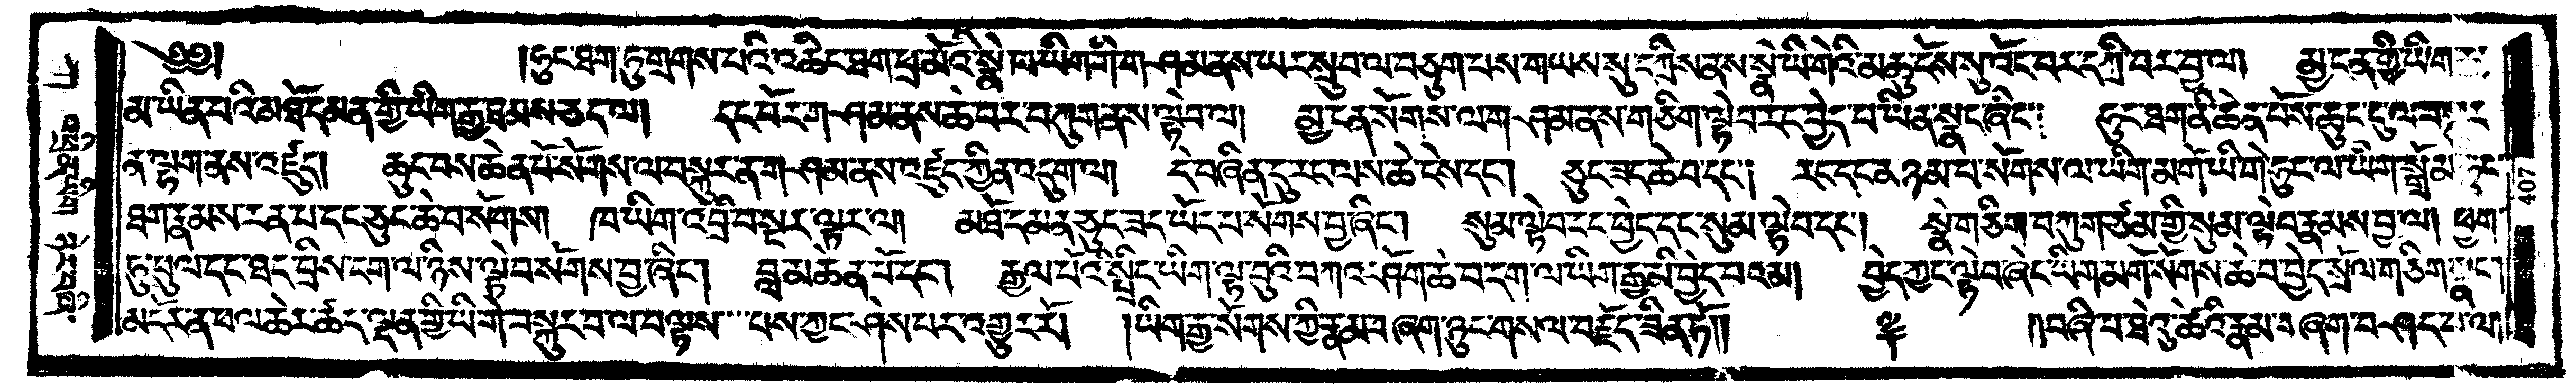༄༅། །ཧུང་ཐག་ཏུ་གྲགས་པའི་འཆིང་ཐག་ཕྲ་མོའི་སྣེ་བ་ཡིག་གི་གཤམ་ནས་ཡར་སྲུབ་ལ་བཅུག་པས་གཡས་སུ་དཀྲིས་ནས་སྣེ་ཡི་གེའི་མཆུ་ངོས་སུ་འོང་བར་དཀྲི་བར་བྱ་ལ། མྱ་ངན་གྱི་ཡིག་ཆ?
མ་ཡིན་པའི་འཐོ་དམན་གྱི་ཡིག་རྒྱ་ཐམས་ཅད་ལ། དང་པོར་གཤམ་ནས་ཆེ་བར་བཀུག་ནས་ལྟེབ་ལ། མྱ་ངན་སོགས་ལ་གཤམ་ནས་གཅིག་ལྟེབ་རང་བྱེད་པ་ཡིན་སྣང་ཞིང་ཧུང་ཐག་ནི་ཆེན་པོས་ཆུང་དུ་ལ་བསྙར?
ན་ལྷག་ནས་འཛུད། ཆུང་བས་ཆེན་པོ་སོགས་ལ་བསྐུར་ན་གཤམ་ནས་འཛུད་ཀྱིན་འདུག་ལ། དེ་བཞིན་དུ་རང་ལས་ཆེ་ངེས་དང་། ཅུང་ཟད་ཆེ་བ་དང་། རང་དང་མཉམ་པ་སོགས་ལ་ཡིག་མགོ་ཡི་གེ་ཧུང་ལ་ཡིག་སྒྲོམ་ཧུང་
ཐག་རྣམས་རན་པ་དང་ཅུང་ཆེ་བ་སོགས། ཁ་ཡིག་འབྲི་བསྔར་ལྟར་ལ། མཐོ་དམན་ཅུང་ཟད་ཡོད་པ་སོགས་བྱ་ཞིང་། སུམ་ལྟེབ་དང་ཕྱེད་དང་སུམ་ལྟེབ་དང་། སྣེ་གཅིག་བཀུག་ཙམ་གྱི་སུམ་ལྟེབ་རྣམས་བྱ་ལ། ཕག་
ཏུ་ཕུལ་དང་ཐད་བྲིས་དག་ལ་ཉིས་ལྟེབ་སོགས་བྱ་ཞིང་། བླ་མཆེན་པོ་དང་། རྒྱལ་པོའི་སྤྲིང་ཡིག་ལྟ་བུའི་བཀའ་ཤོག་ཆེ་བདག་ལ་ཡིག་རྒྱ་མི་བྱེད་པའམ། བྱེད་ཀྱང་ལྟེ་བ་ཞེང་ཡིག་མགོ་སོགས་ཆེ་བ་བྱེད་སྲོག་གཅིག་སྣང་།
མདོར་ན་ཕལ་ཆེར་ཚད་ལྡན་གྱི་ཡི་གེ་བསྐུར་བ་ལ་བལྟས་པས་ཀྱང་ཤེས་པར་འགྱུར་རོ། །ཡིག་རྒྱ་སོགས་ཀྱི་རྣམ་བཞག་ཉུང་གསལ་བརྗོད་ཟིན་ཏོ།། ༈ །།བཞི་པ་ཐེའུ་ཚེའི་རྣམ་བཞག་བཤད་པ་ལ།